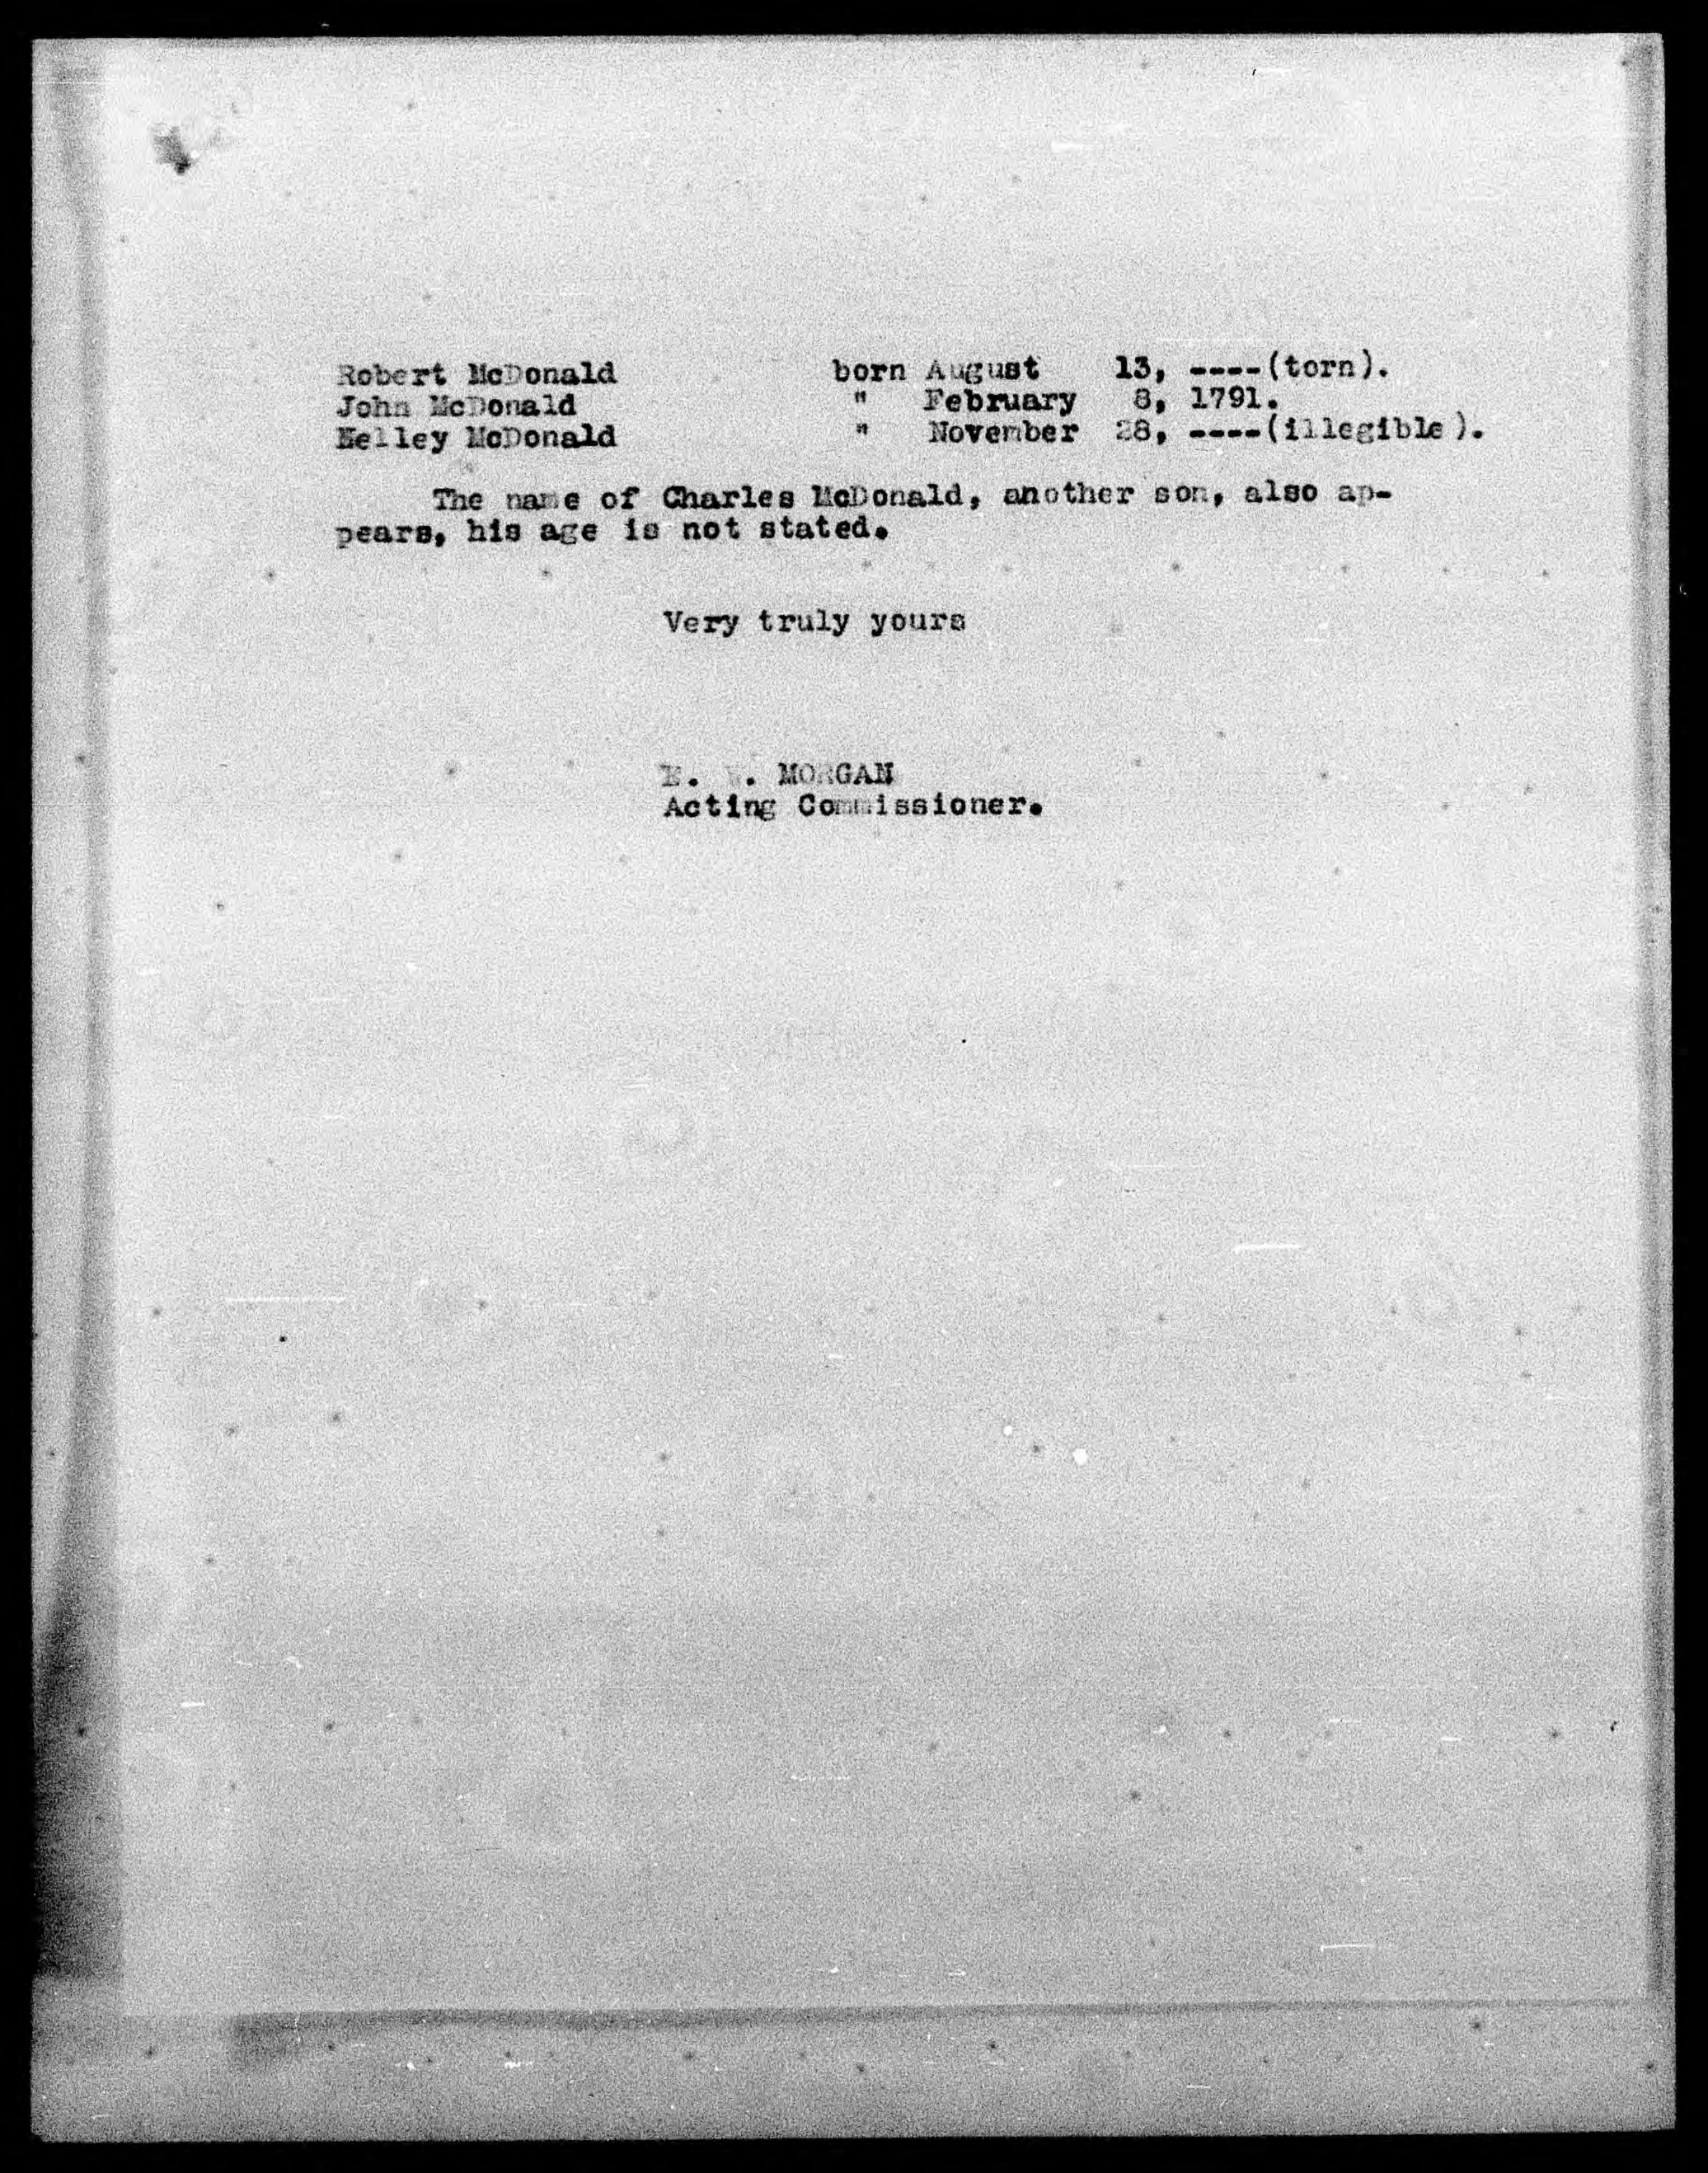Robert McDonald born August 13, ....(torn).
John McDonald born February 8, 1791.
Kelley McDonald born November 28, .....(illegible).
The name of Charles McDonald, another son, also appears his age is not stated.
Very truly yours
E.W. Morgan
Acting Commissioner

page: 22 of 59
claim: widow's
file: W 3703, for Robert Mc Donald, Pennsylvania